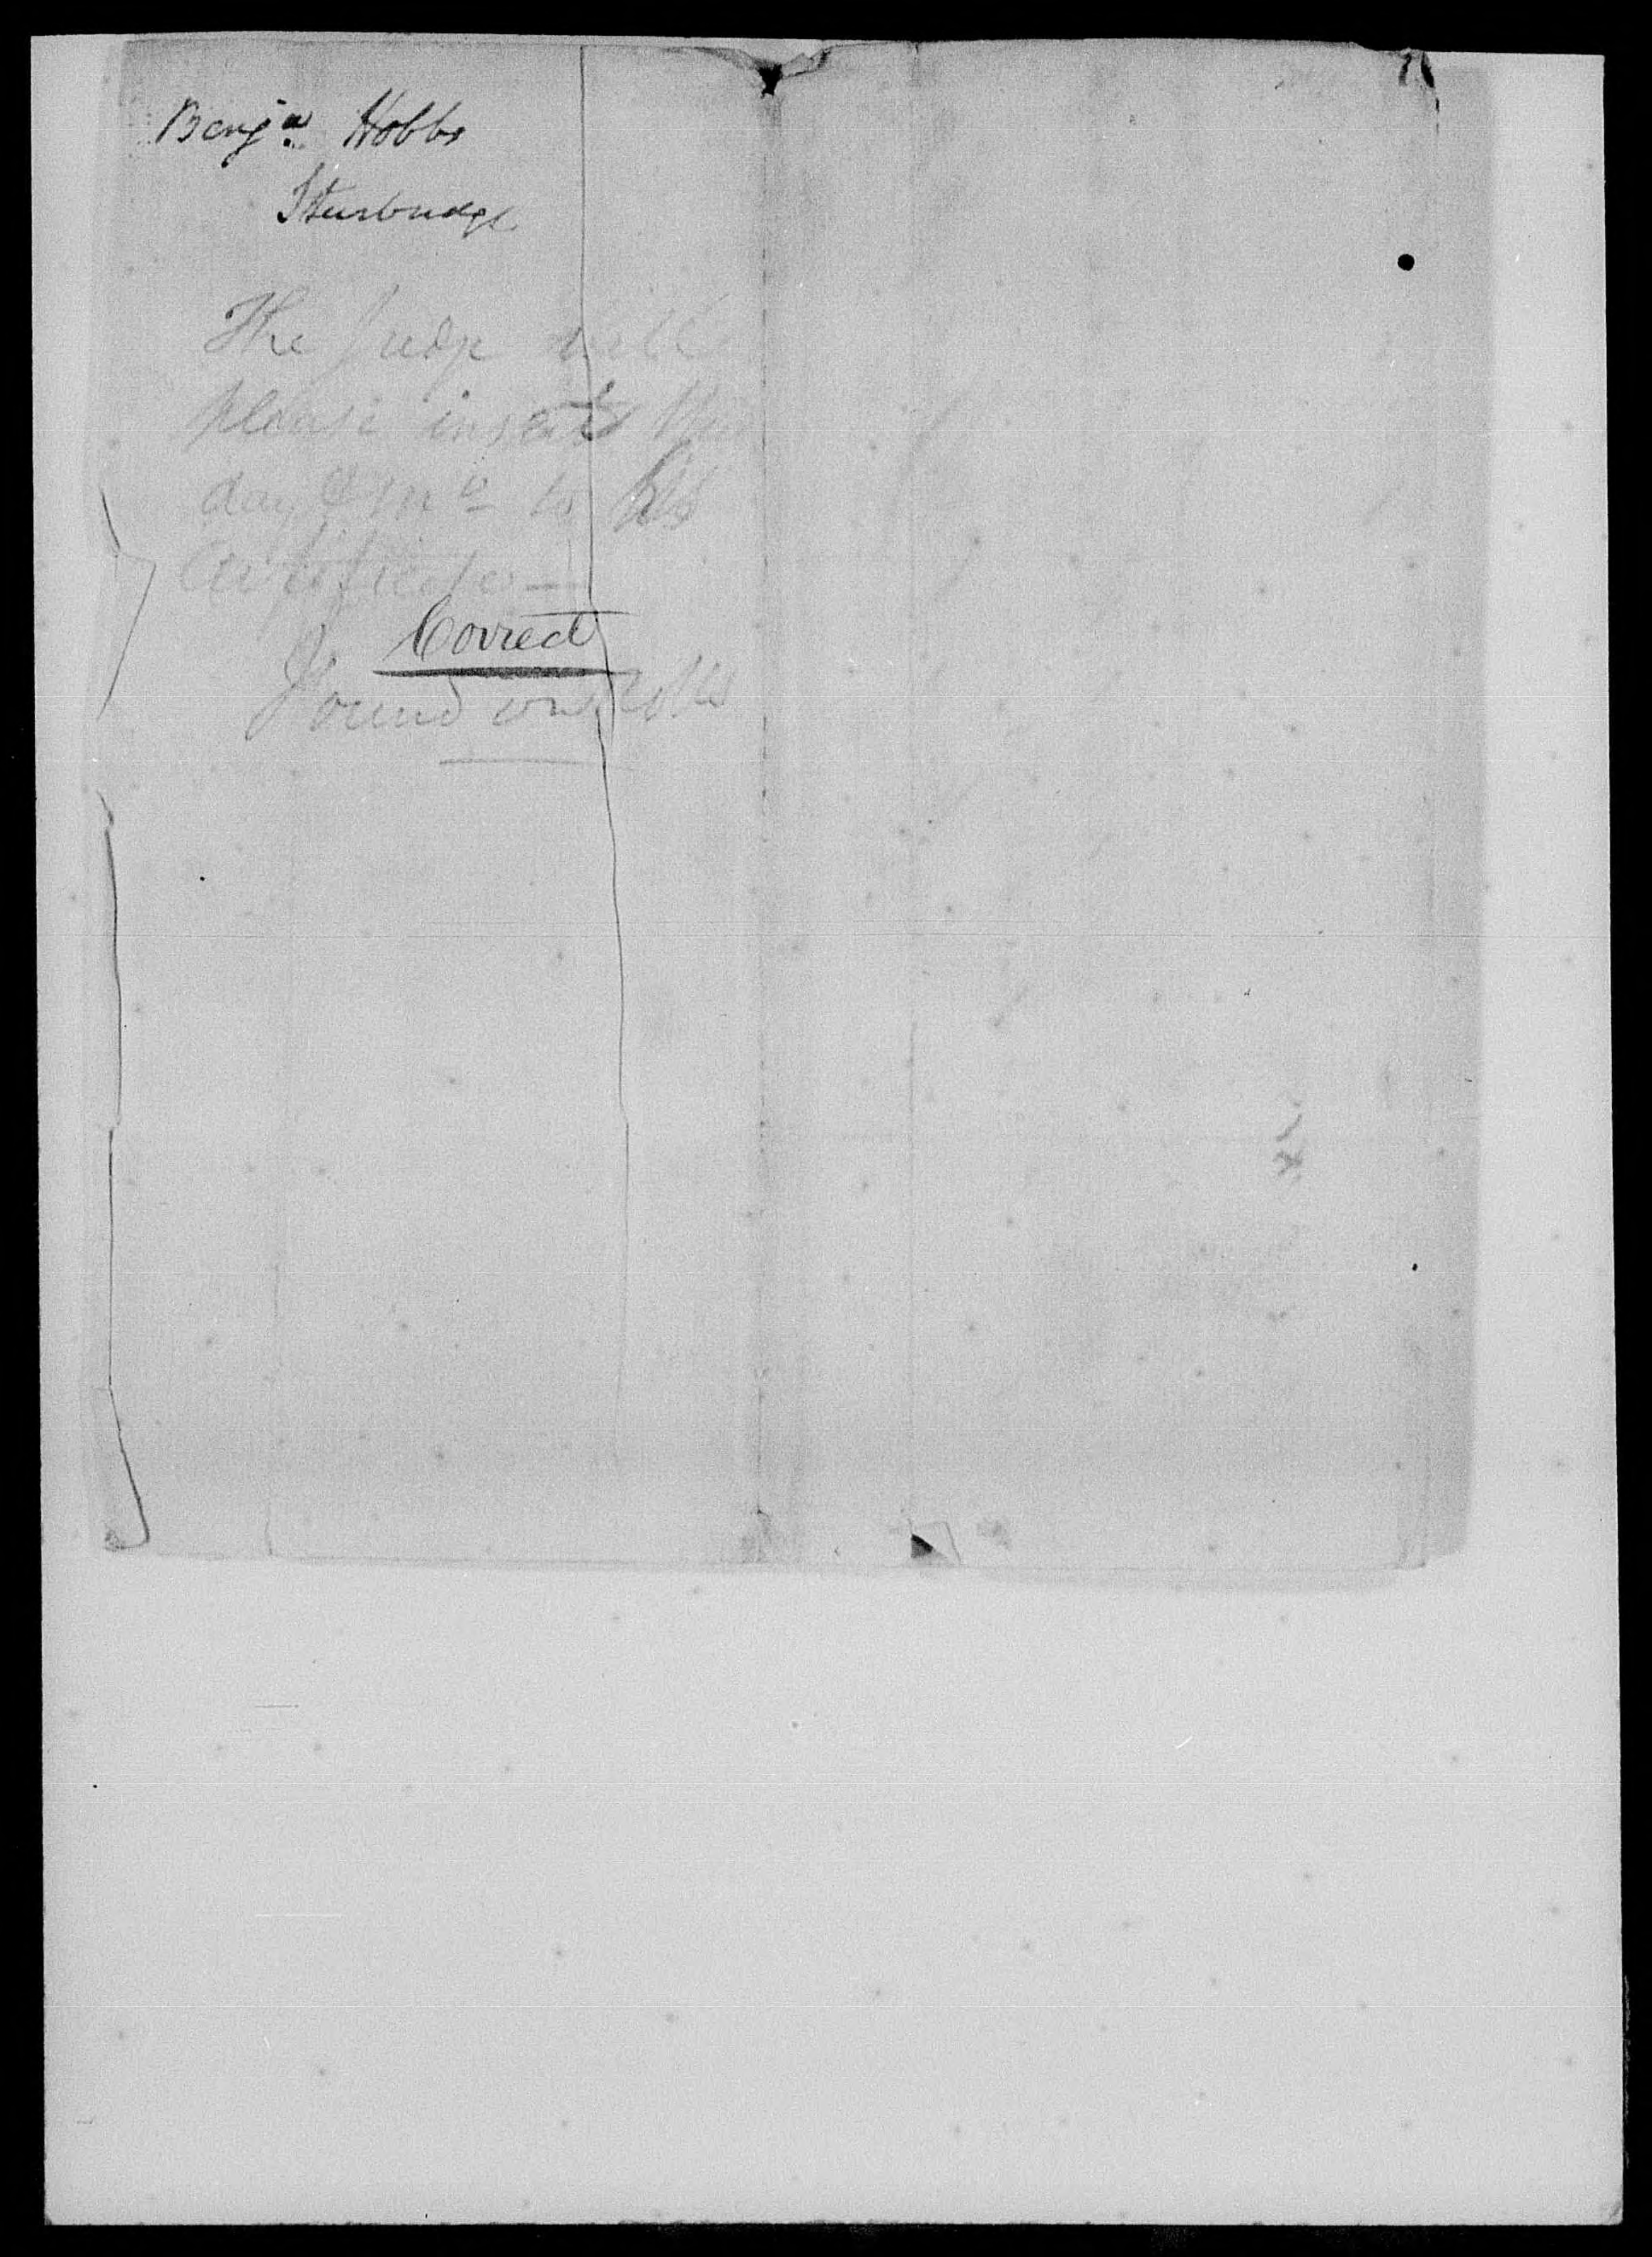Benjm Hobbs
Sturbridge

[the following lines in pencil]
The Judge will
please insert the 
day & mo to his 
certificate
[underlined] Correct
found on Rolls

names: Benja Hobbs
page: 5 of 13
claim: survivor's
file: S. 32,846, Benjamin Hobbs, Continental Mass. & War Of 1812